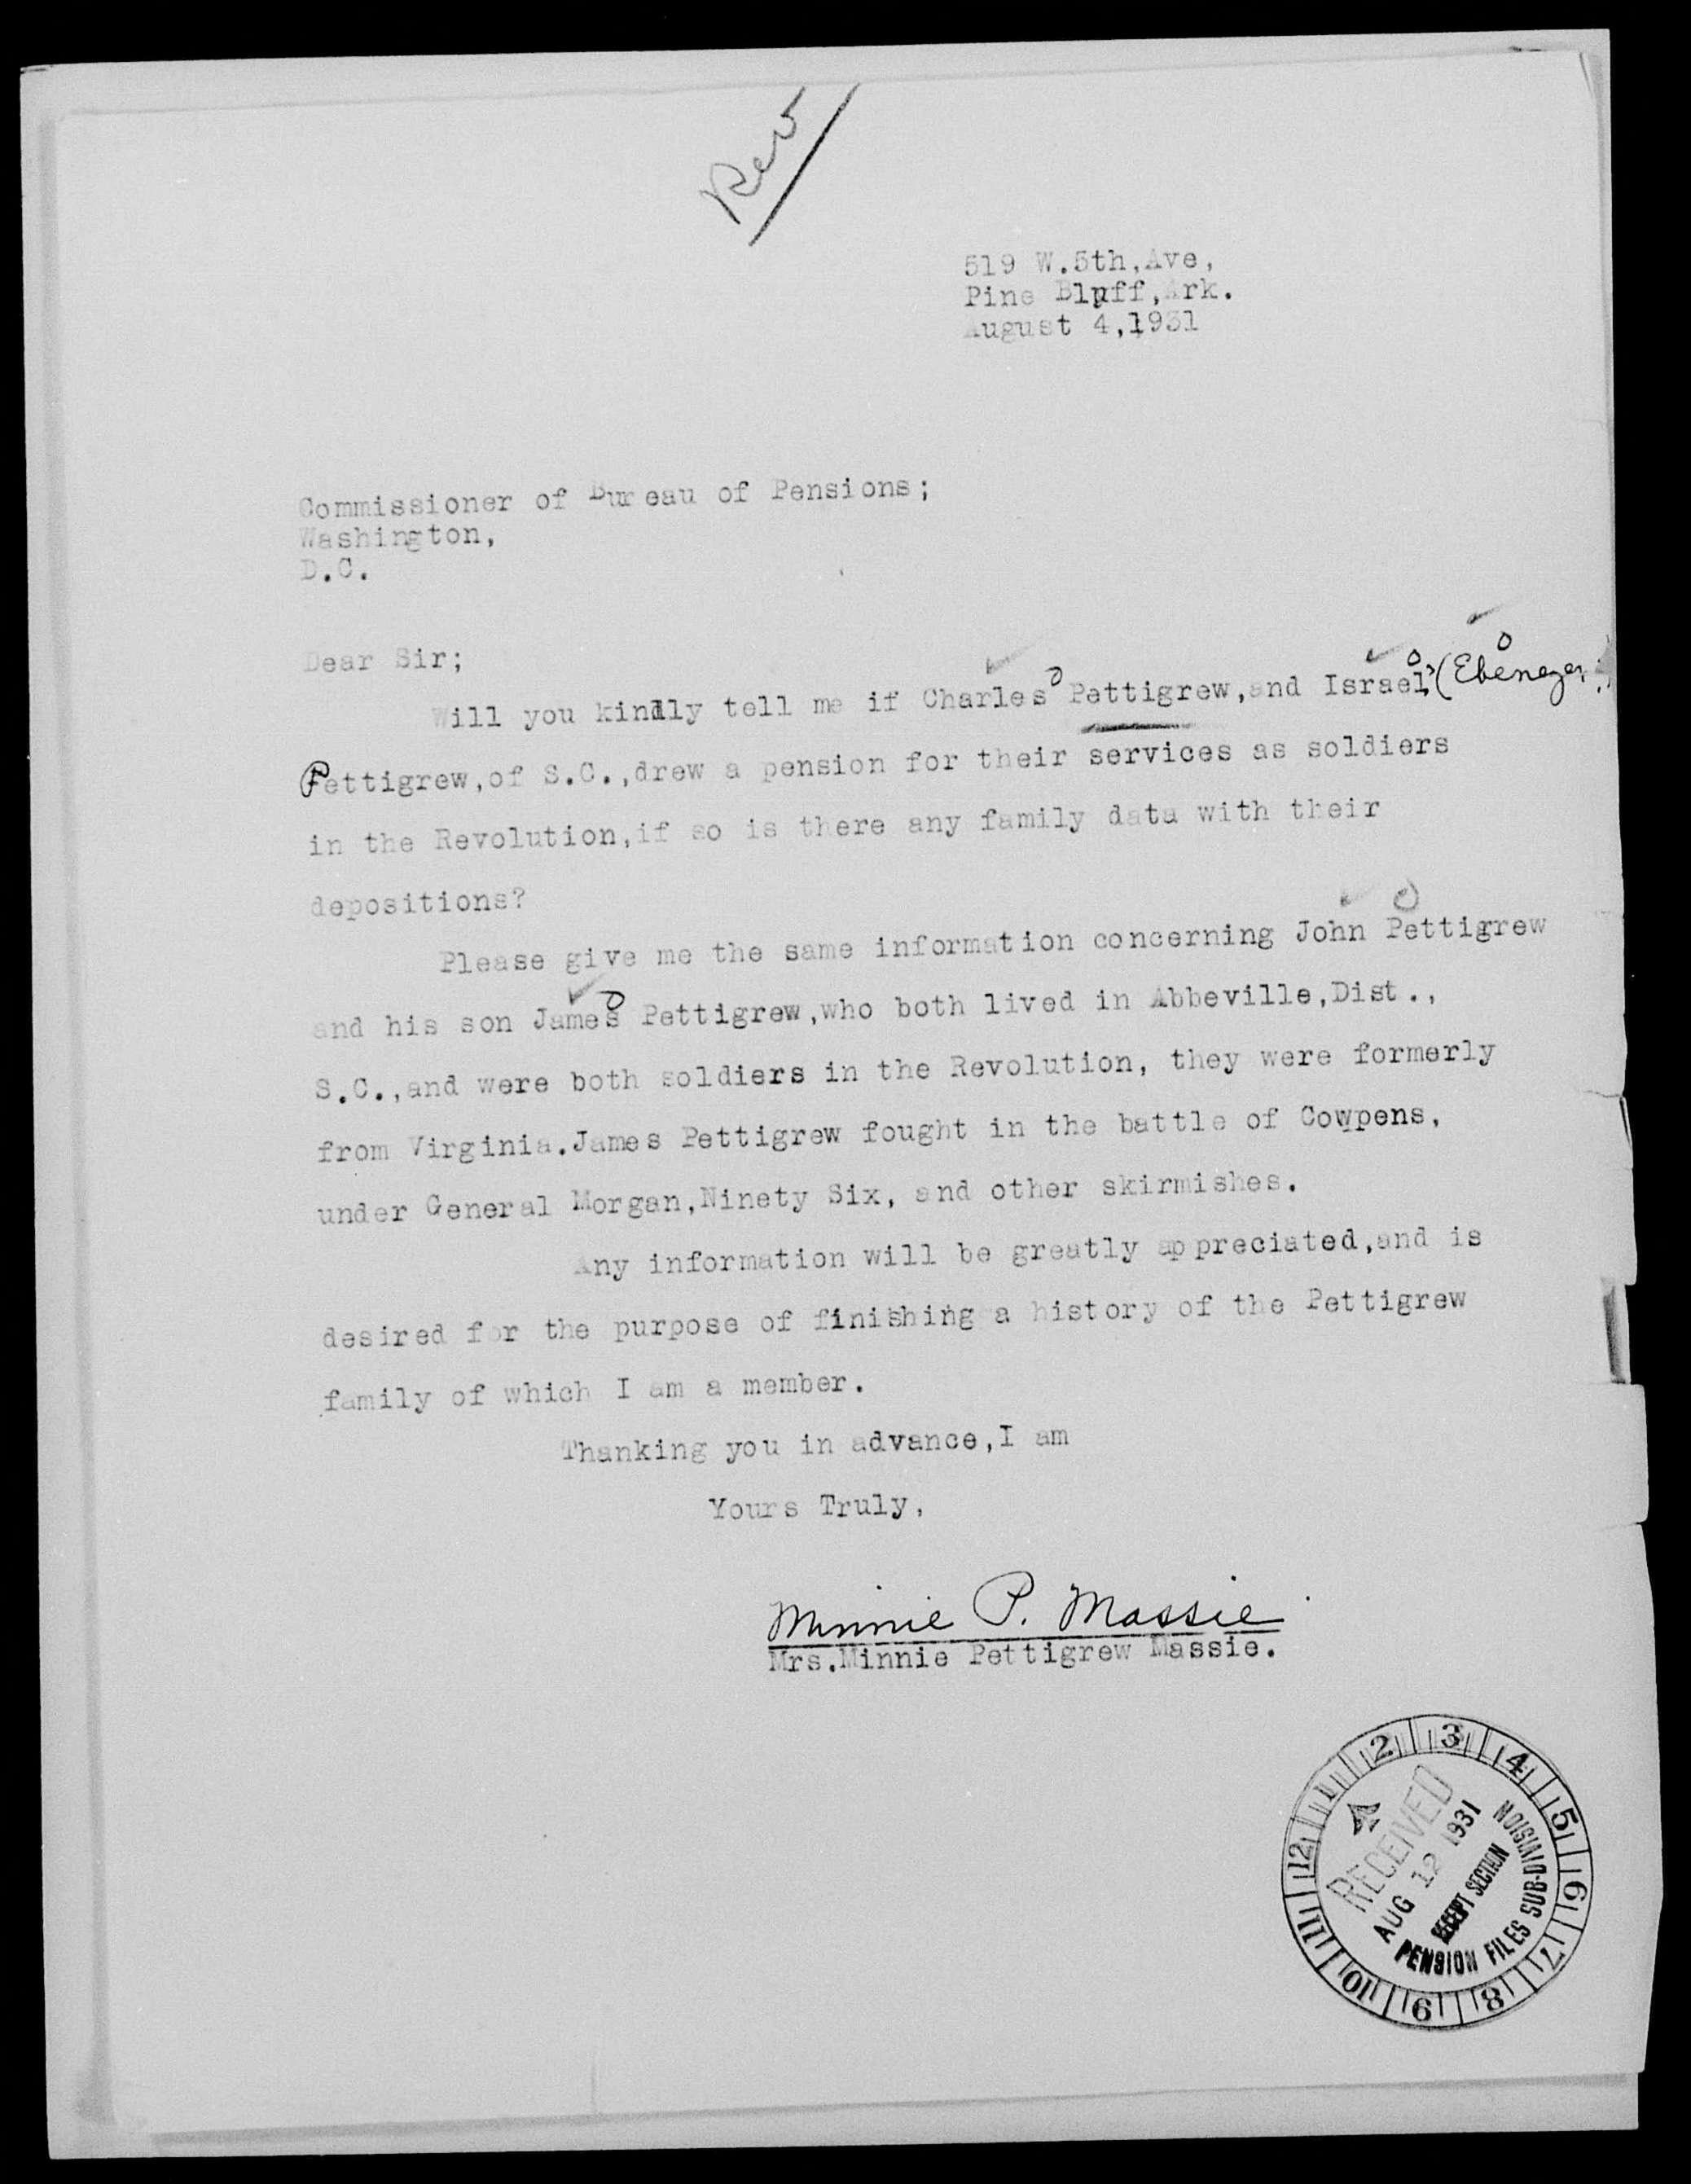Rev

519 W. 5th, Ave,
Pine Blpff, Ark.
August 4 ,1931

Commissioner of Bureau of Pensions ; Washington,
D.C.

Dear Sir ;
Will you kindly tell me if Charles Pettigrew, and Israel (Elenya ;) Pettigrew, of S.C., drew a pension for their services as soldiers in the Revolution, if so is there any family data with their depositions?
Please give me the same information concerning John Pettigrew and his son James Pettigrew, who both lived in Abbeville, Dist..
from Virginia. James Pettigrew fought in the battle of Cowpens,
under General Morgen, Ninety Six, and other skirmishes.
Any information would be greatly appreciated, and is desired for the purpose of finishing a history of the Pettigrew family of which I am a member.
Thankyou in advance, I am
Yours Truly,

Minnie P. Massie
Mrs. Minnie Pettigrew Massie.

[ink stamp " RECIEVED AUG 12 1931 RECEIPT SECTION PENSION FILES SUBDIVISION"]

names: Minnie P Massie; Ebenezer Pettigrew; [BLANK] Morgan; James Pettigrew; John Pettigrew; Charles Pettigrew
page: 90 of 92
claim: widow's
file: W. 5522, for James Pettigrew, South Carolina